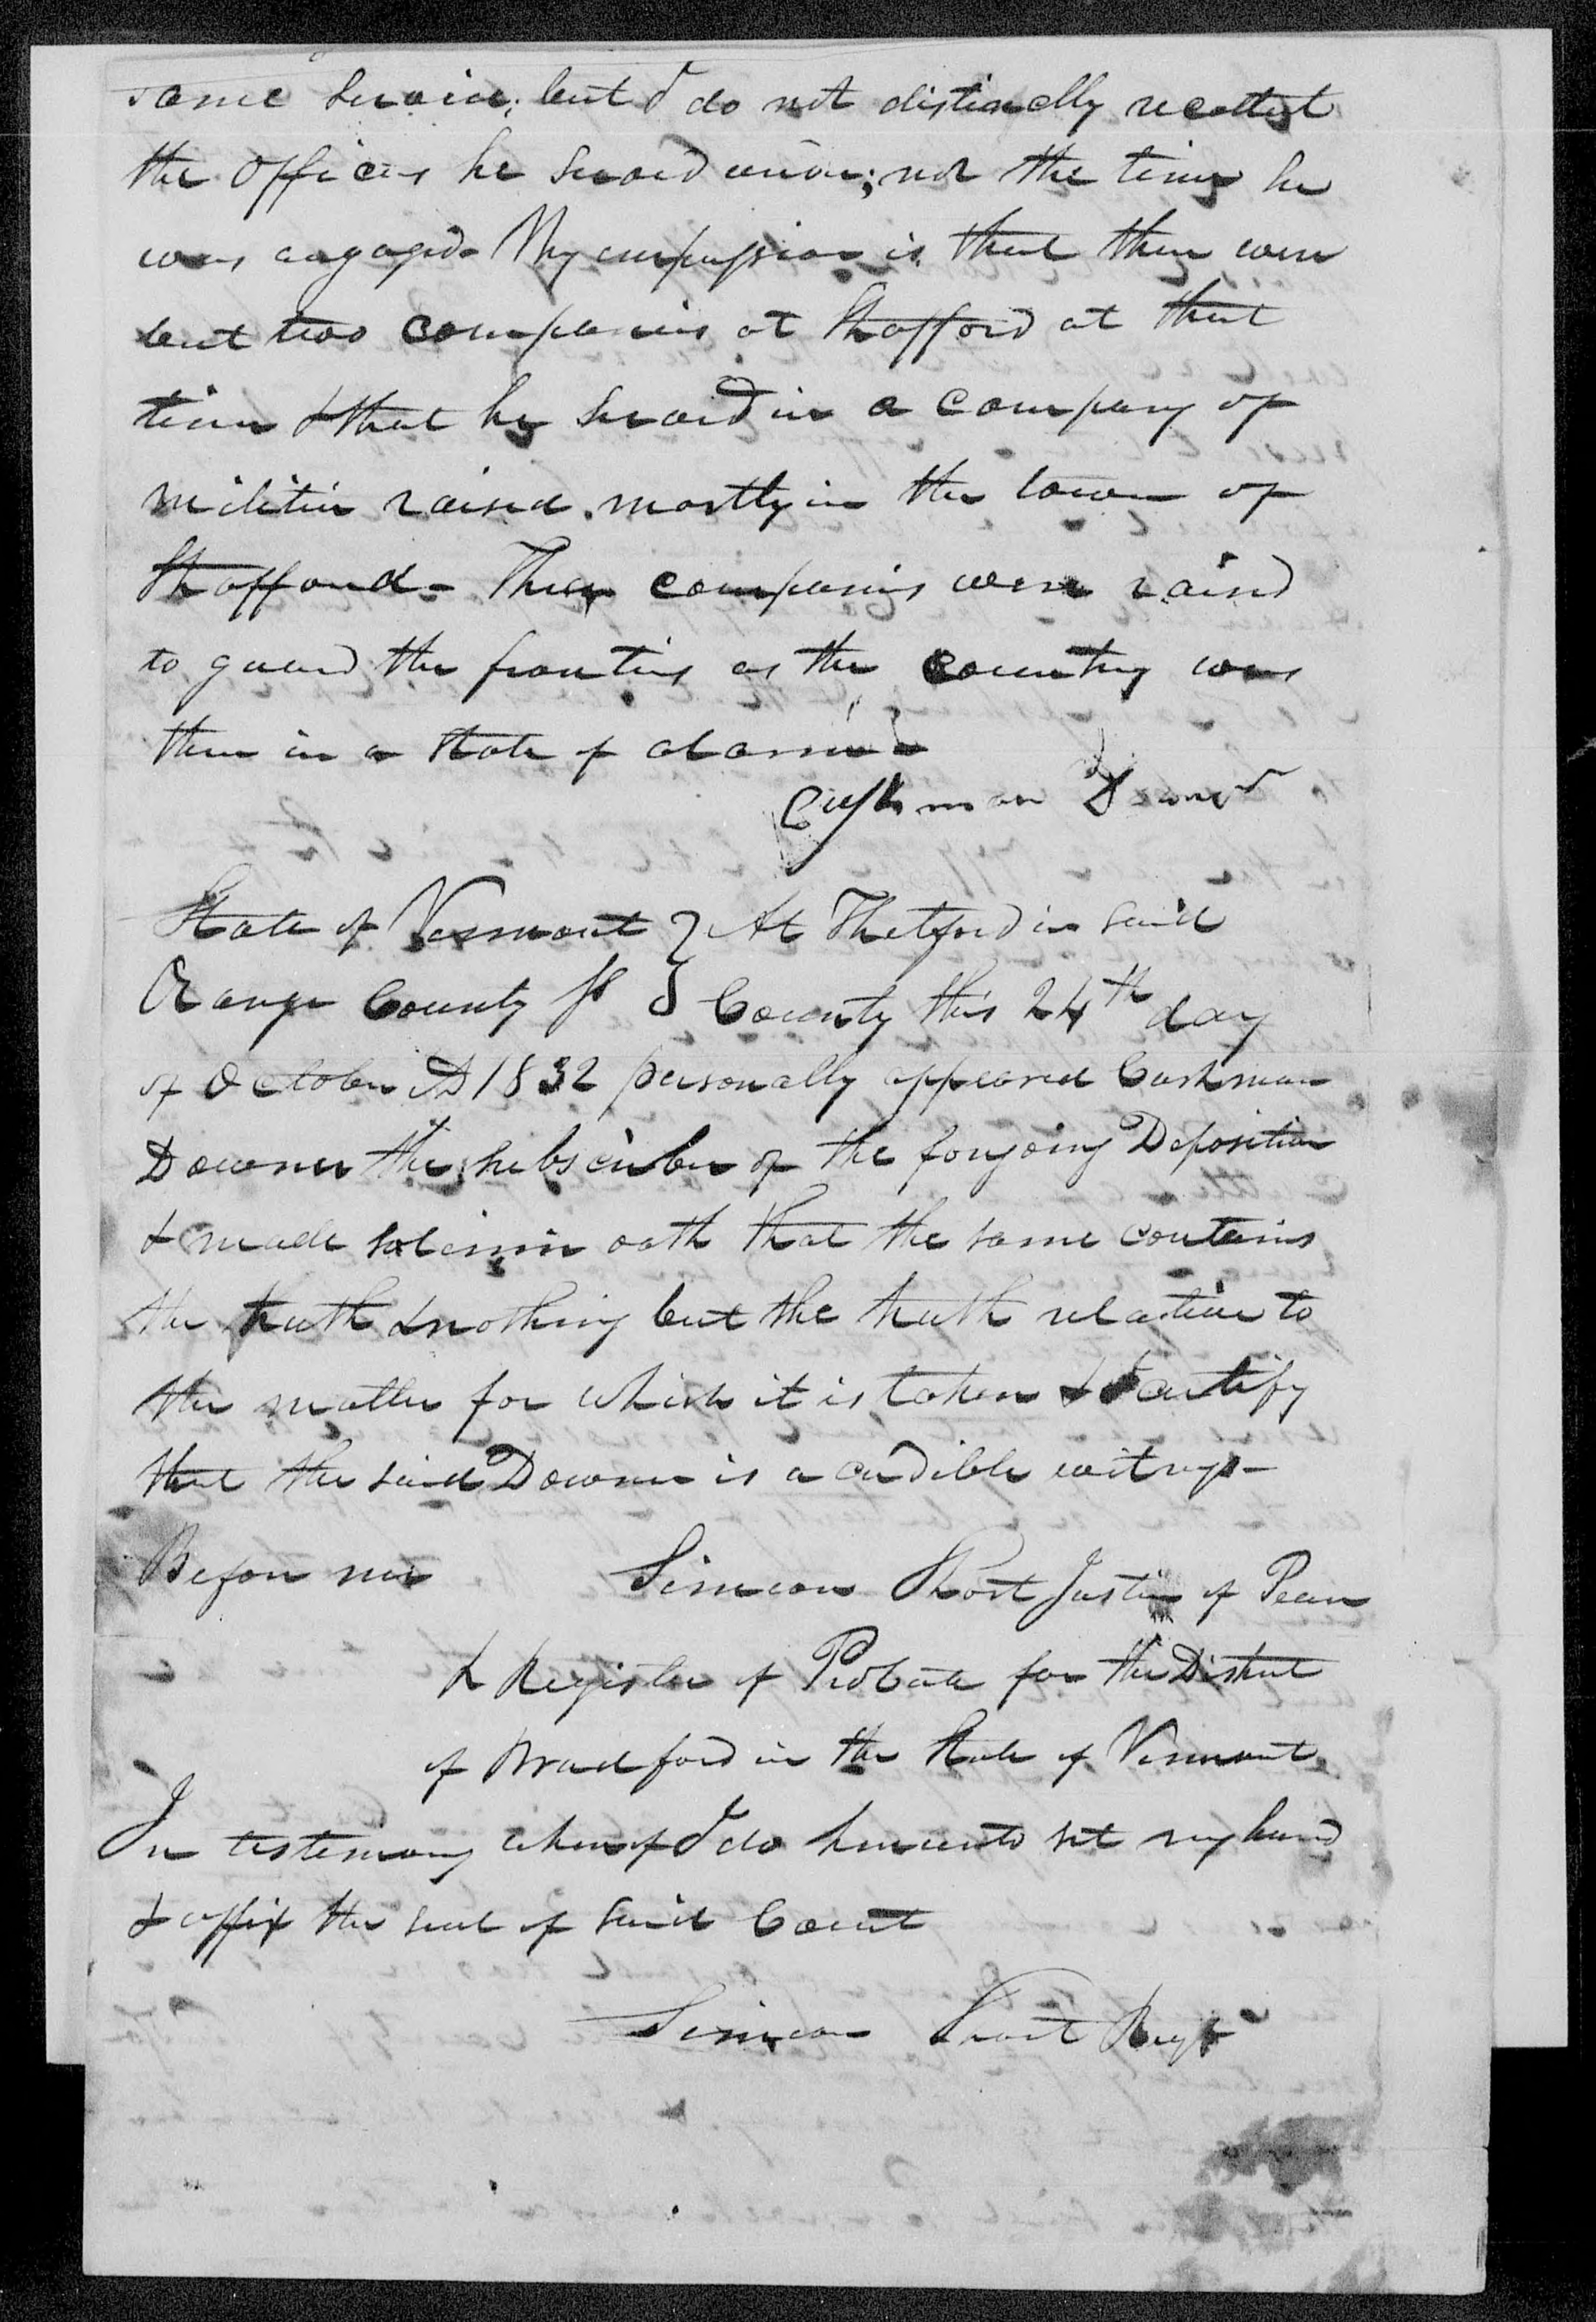and servid ; last I do not distictally recollect the officer he served under; nor the times he was engaged. My cunfussion is that there were but two companies at Strafford at that time & he served in a company of militias raind mostly in the tower of Strafford - Thes companies were rain to guard the frontier or the County was there in a state of alarm.

Cushman Downer

State of Vermont
Orange County ss}

At Thetford in Said County this 24th day of October AD 1832 personally appeared Cushman Downer this he by [illegible] of the foregoing Deposition & made  solemn oath that the same contains the truth & nothing but the truth relative to the matter for which it is taken & testify that the said Downer is a credible witness - 

Before me Simeon Short Justice of Peace & Register of Probate for the District of Madford in the State of Vermont

In testimony taken of I do hereunto set my hand  and affix the seal of said Court

Simeon Short Esq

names: Simeon Short; Cashman Downer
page: 10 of 12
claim: survivor's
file: S. 18,158, for Haman Pennock, Vermont